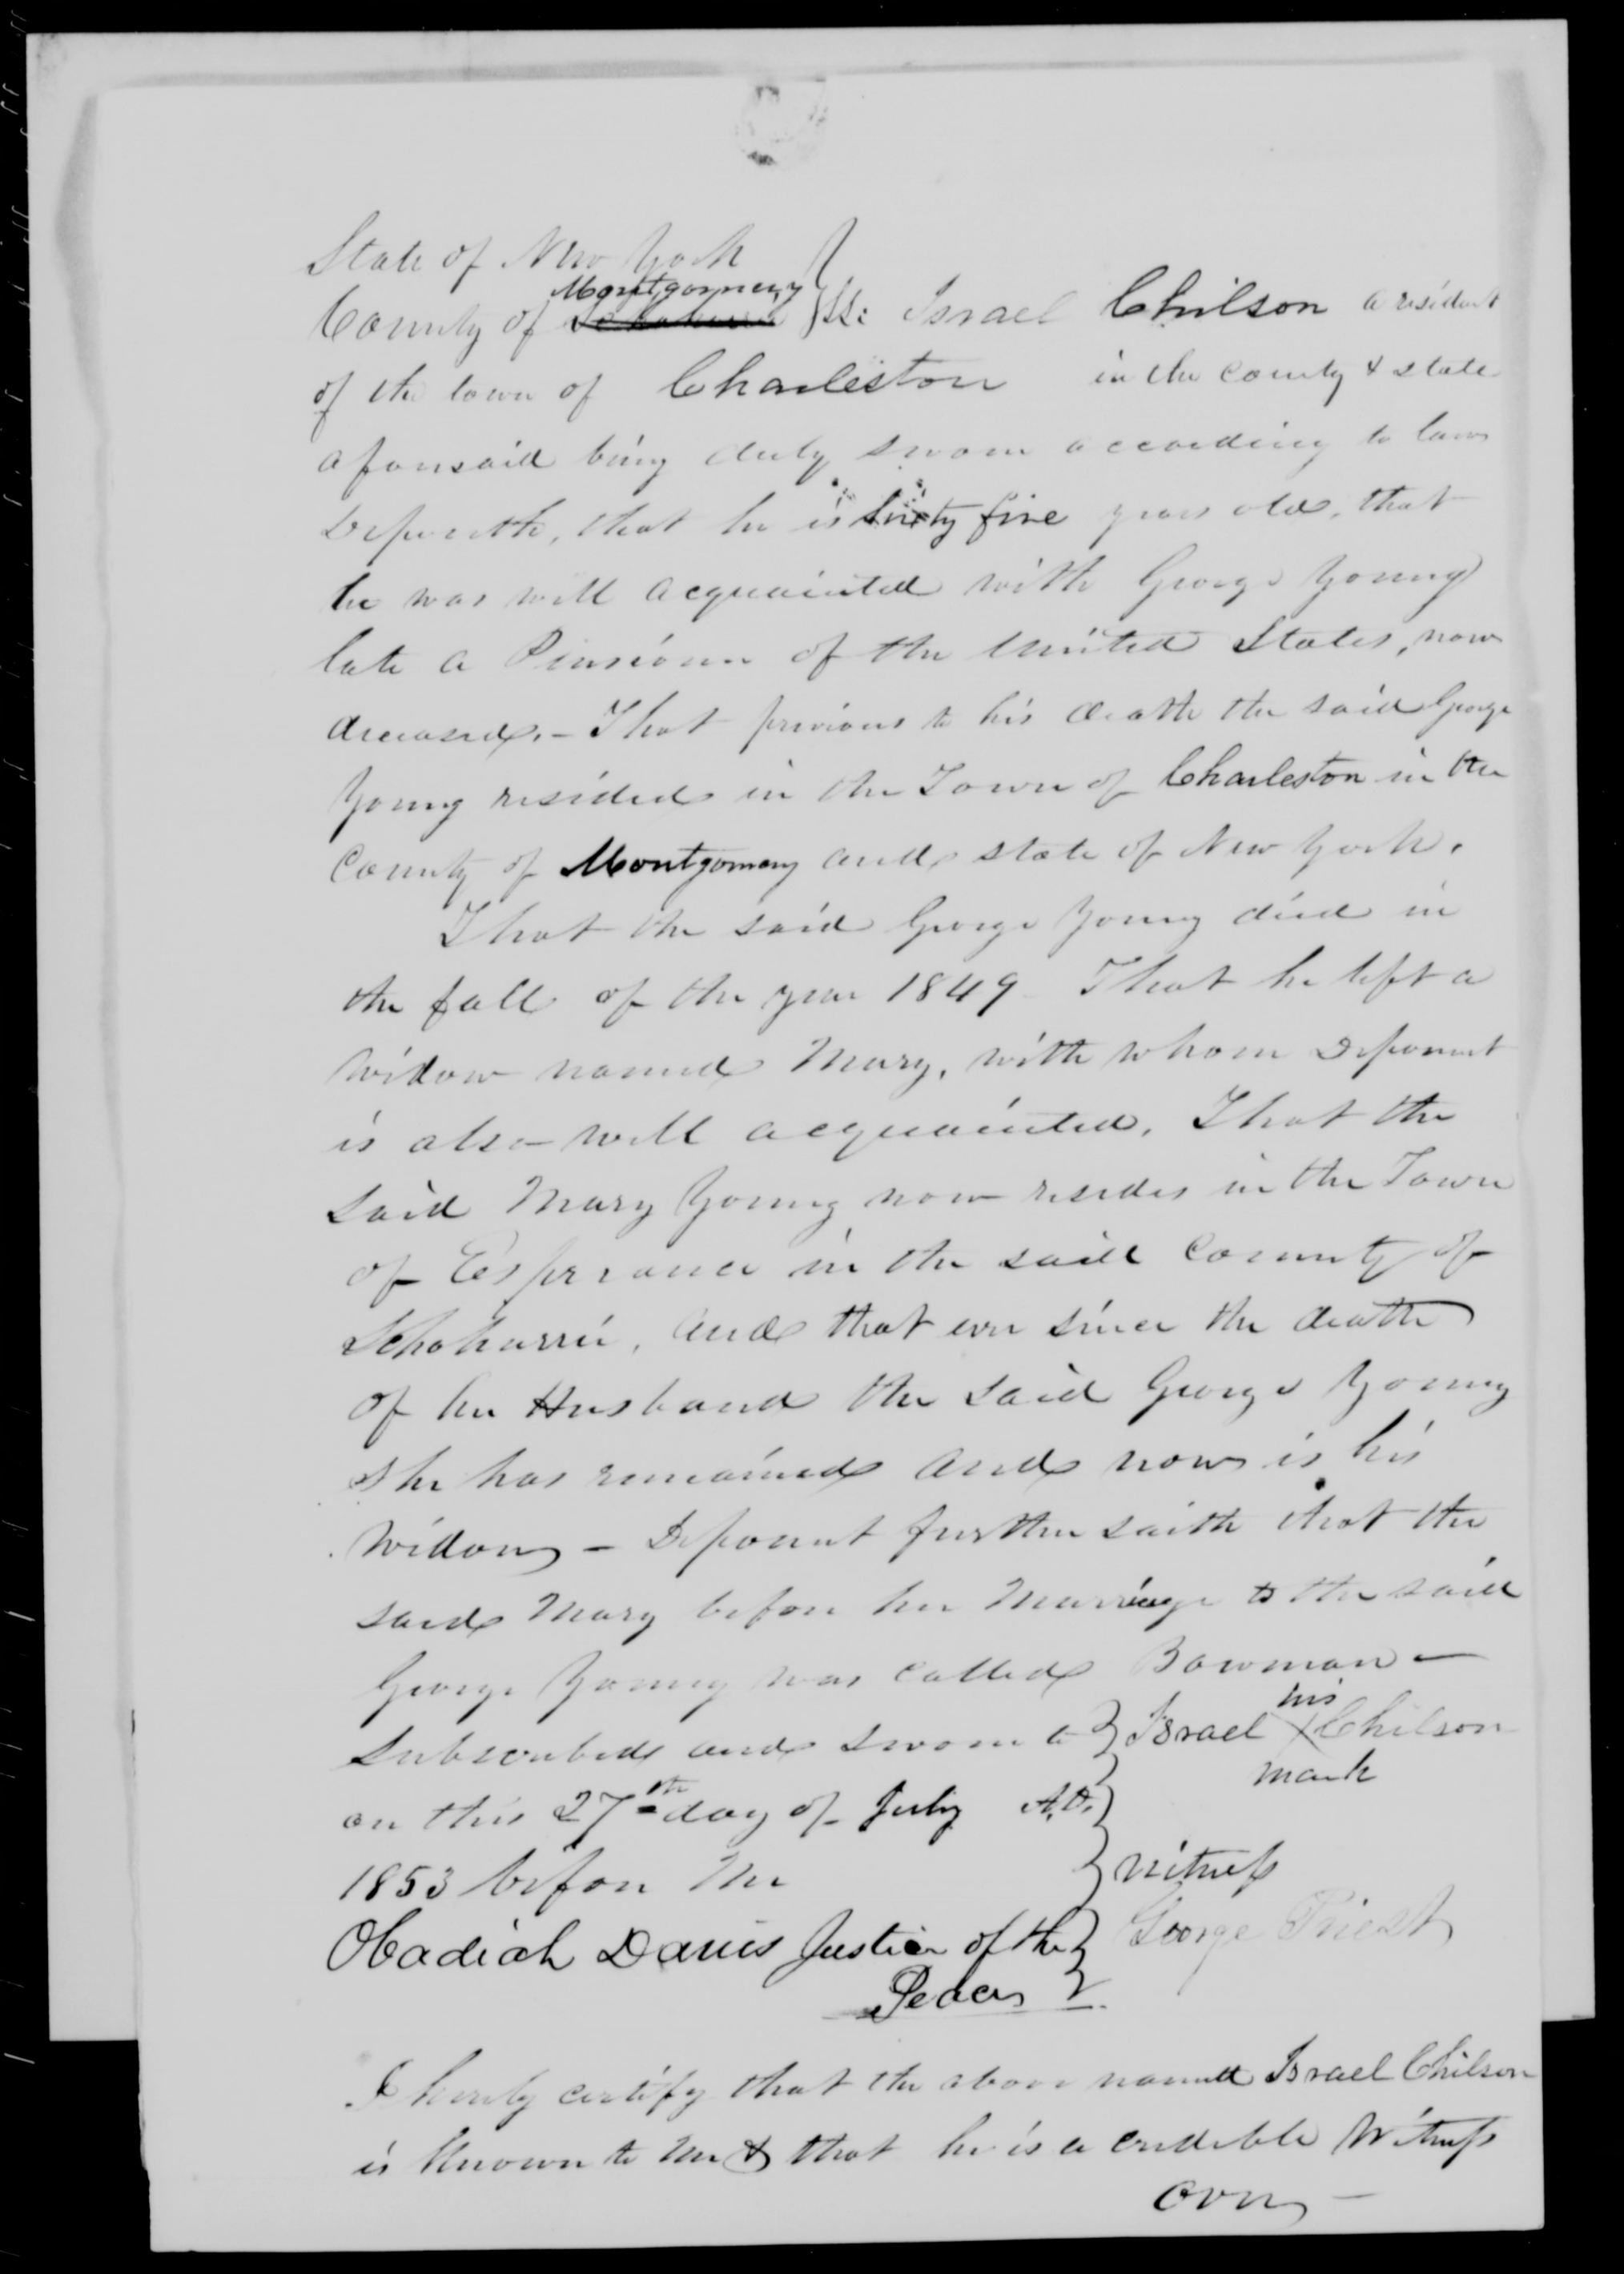State of New York 
County of Montgomery Israel Chilson a resident of the town of Charleston in the county and state aforesaid being duly sworn according to law henceforth that he is seventy five years old, that he was well acquainted with George Young late a pensioner of the Untied States, now deceased- That previous to his death the said George Young resided in the Town of Charleston in the county of Montgomery and state of New York.
That the said George Young died in the fall of the year 1849. That he left a widow named Mary, with whom informant is also well acquainted,  That the said Mary Young now resides in the town of Esperaner in the said county of Schohanni and that ever after the death of her husband the said George Young she has remained and now is his widow- informant further saith that the said Mary before her marriage to the said George Young was called Bowman - Subscribed and sworn to Israel Chilson on this 27th day of July 1853 before the Obadiah Davis Justice of the Peace 
Witness George Phineas
I hereby certify that the above named Israel Chilson is known to the and that he is a credible witness
 over-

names: Israel Chilson, Bowman, Obadiah Davis, George Young, Mary Young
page: 19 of 67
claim: widow's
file: W. 7379, George Young, New Jersey